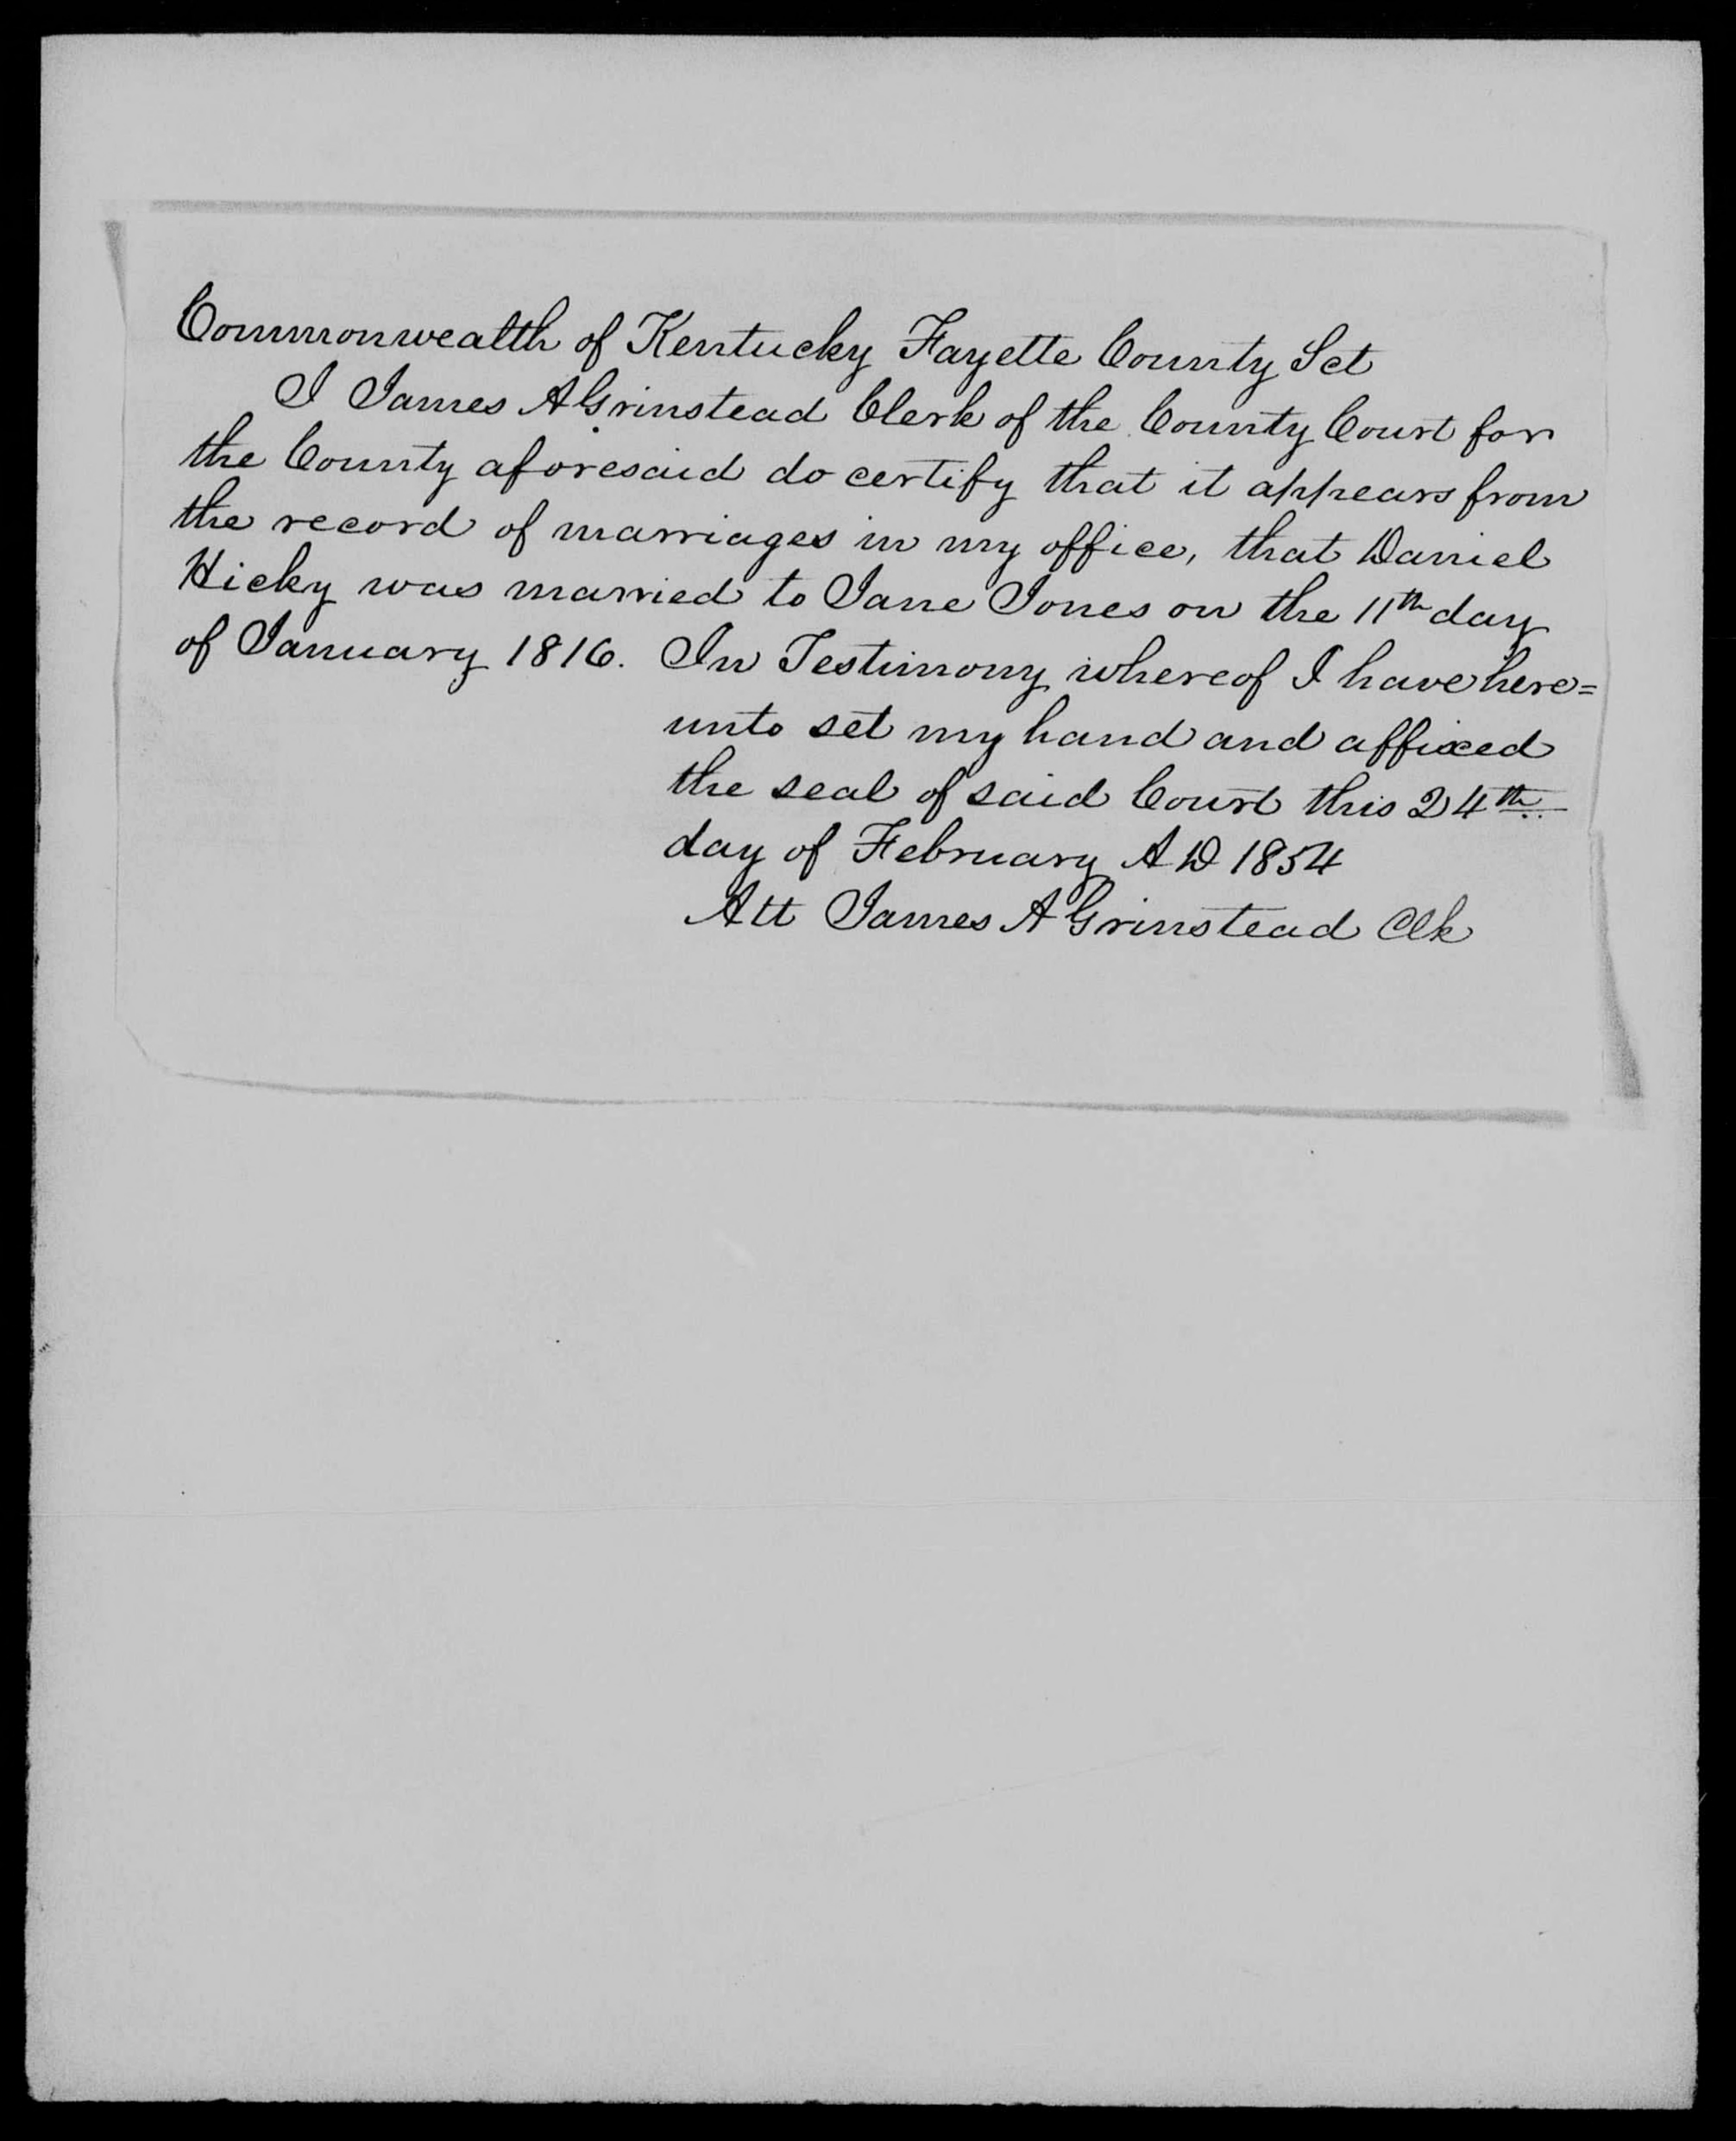Commonwealth of Kentucky Fayette County Sct
I James A Grinstead Clerk of the County Court for
the County aforesaid do certify that it appears from the record of marriages in my office, that Daniel Hicky [Hickey] was married to Jane Jones on the 11th day of January 1816. In Testimony whereof I have hereunto set my hand and affixed the seal of said Court this 24th day of February AD 1854
Att James A Grinstead Clk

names: Jane Jones, Daniel Hickey, James A Grinstead, James A Grinstead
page: 15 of 84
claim: widow's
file: W. 7744, Daniel Hickey, Penn.